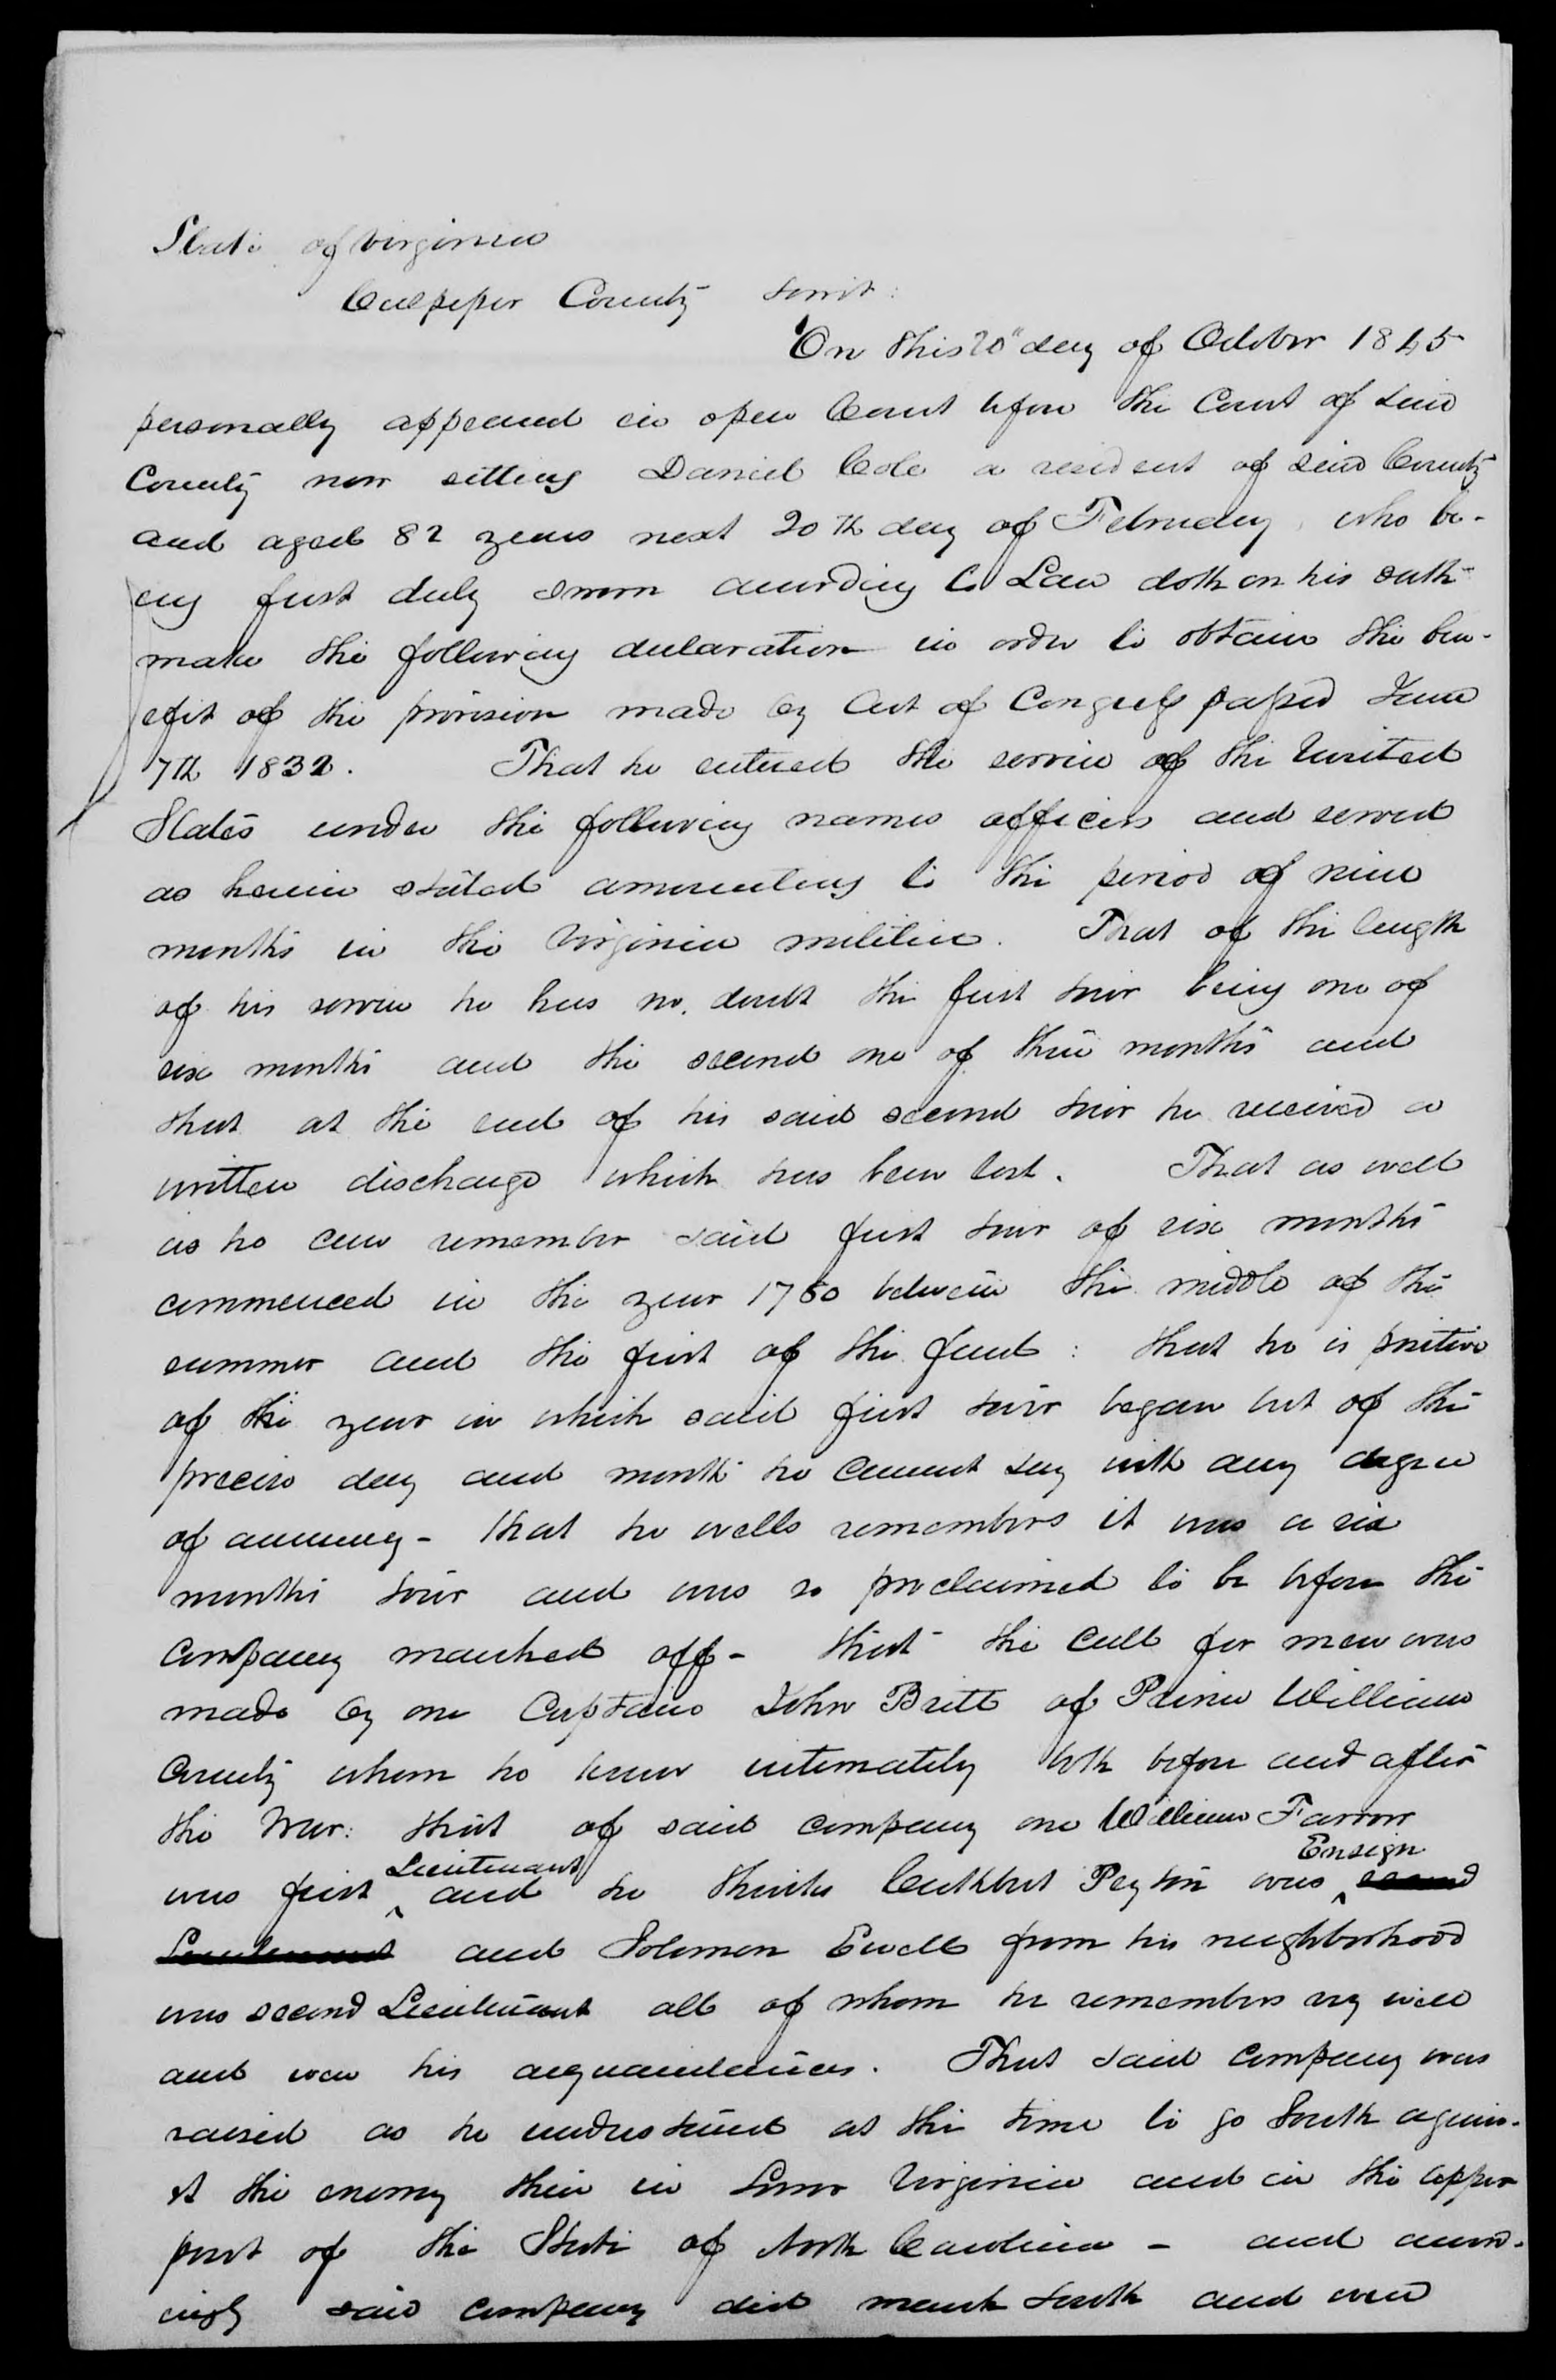State of Virginia
Culpeper County - [illegible]

On this 20th day of October 1845 personally appeared in open Court before the Court of said County now sitting Daniel Cole a resident of said County and aged 82 years next 20th day of February who be being first duly sworn according to Law doth on his oath make the following declaration in order to obtain the benefits of the provision made by Act of Congress passed June 7th 1832. That he entered the service of the United States under the following names officers and served as herein stated  amounting to the period of nine months in the Virginia Militia. That of the length of his service he has no doubt the first tour being one of six months and the second one of three months and than as the end of his said second tour he received a written discharge which has been lost. That as well as he can remember first tour of six months commenced in the year 1780 between the middle of the summer and the first of the [illegible]  [fall?]: that he is positive of the year in which said first tour began but of the precise day and month he cannot say with any degree of accuracy - the he wells remembers it was a six months tour and was so proclaimed to be before the company marched off - that the call for men was made by one Captain John Britt of Prince William County whom he knew intimately [illegible] before and after the war: that of said company one William Farrow was first  Lieutenant and he thinks Cuthbert Peyton was Ensign and Solomon Ewell from his neighborhood was second Lieutenant all of whom he remembers very well and were his acquaintances. Thus said company was raised as he understood at the time to go South against the enemy their in lower Virginia and in the upper part of the State of North Carolina - and accordingly said company did march South and was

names: William Farrow, Cuthbert Peyton, John Britt, Solomon Ewell, Daniel Cole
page: 9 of 61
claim: survivor's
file: S. 8236, Daniel Cole, Va.